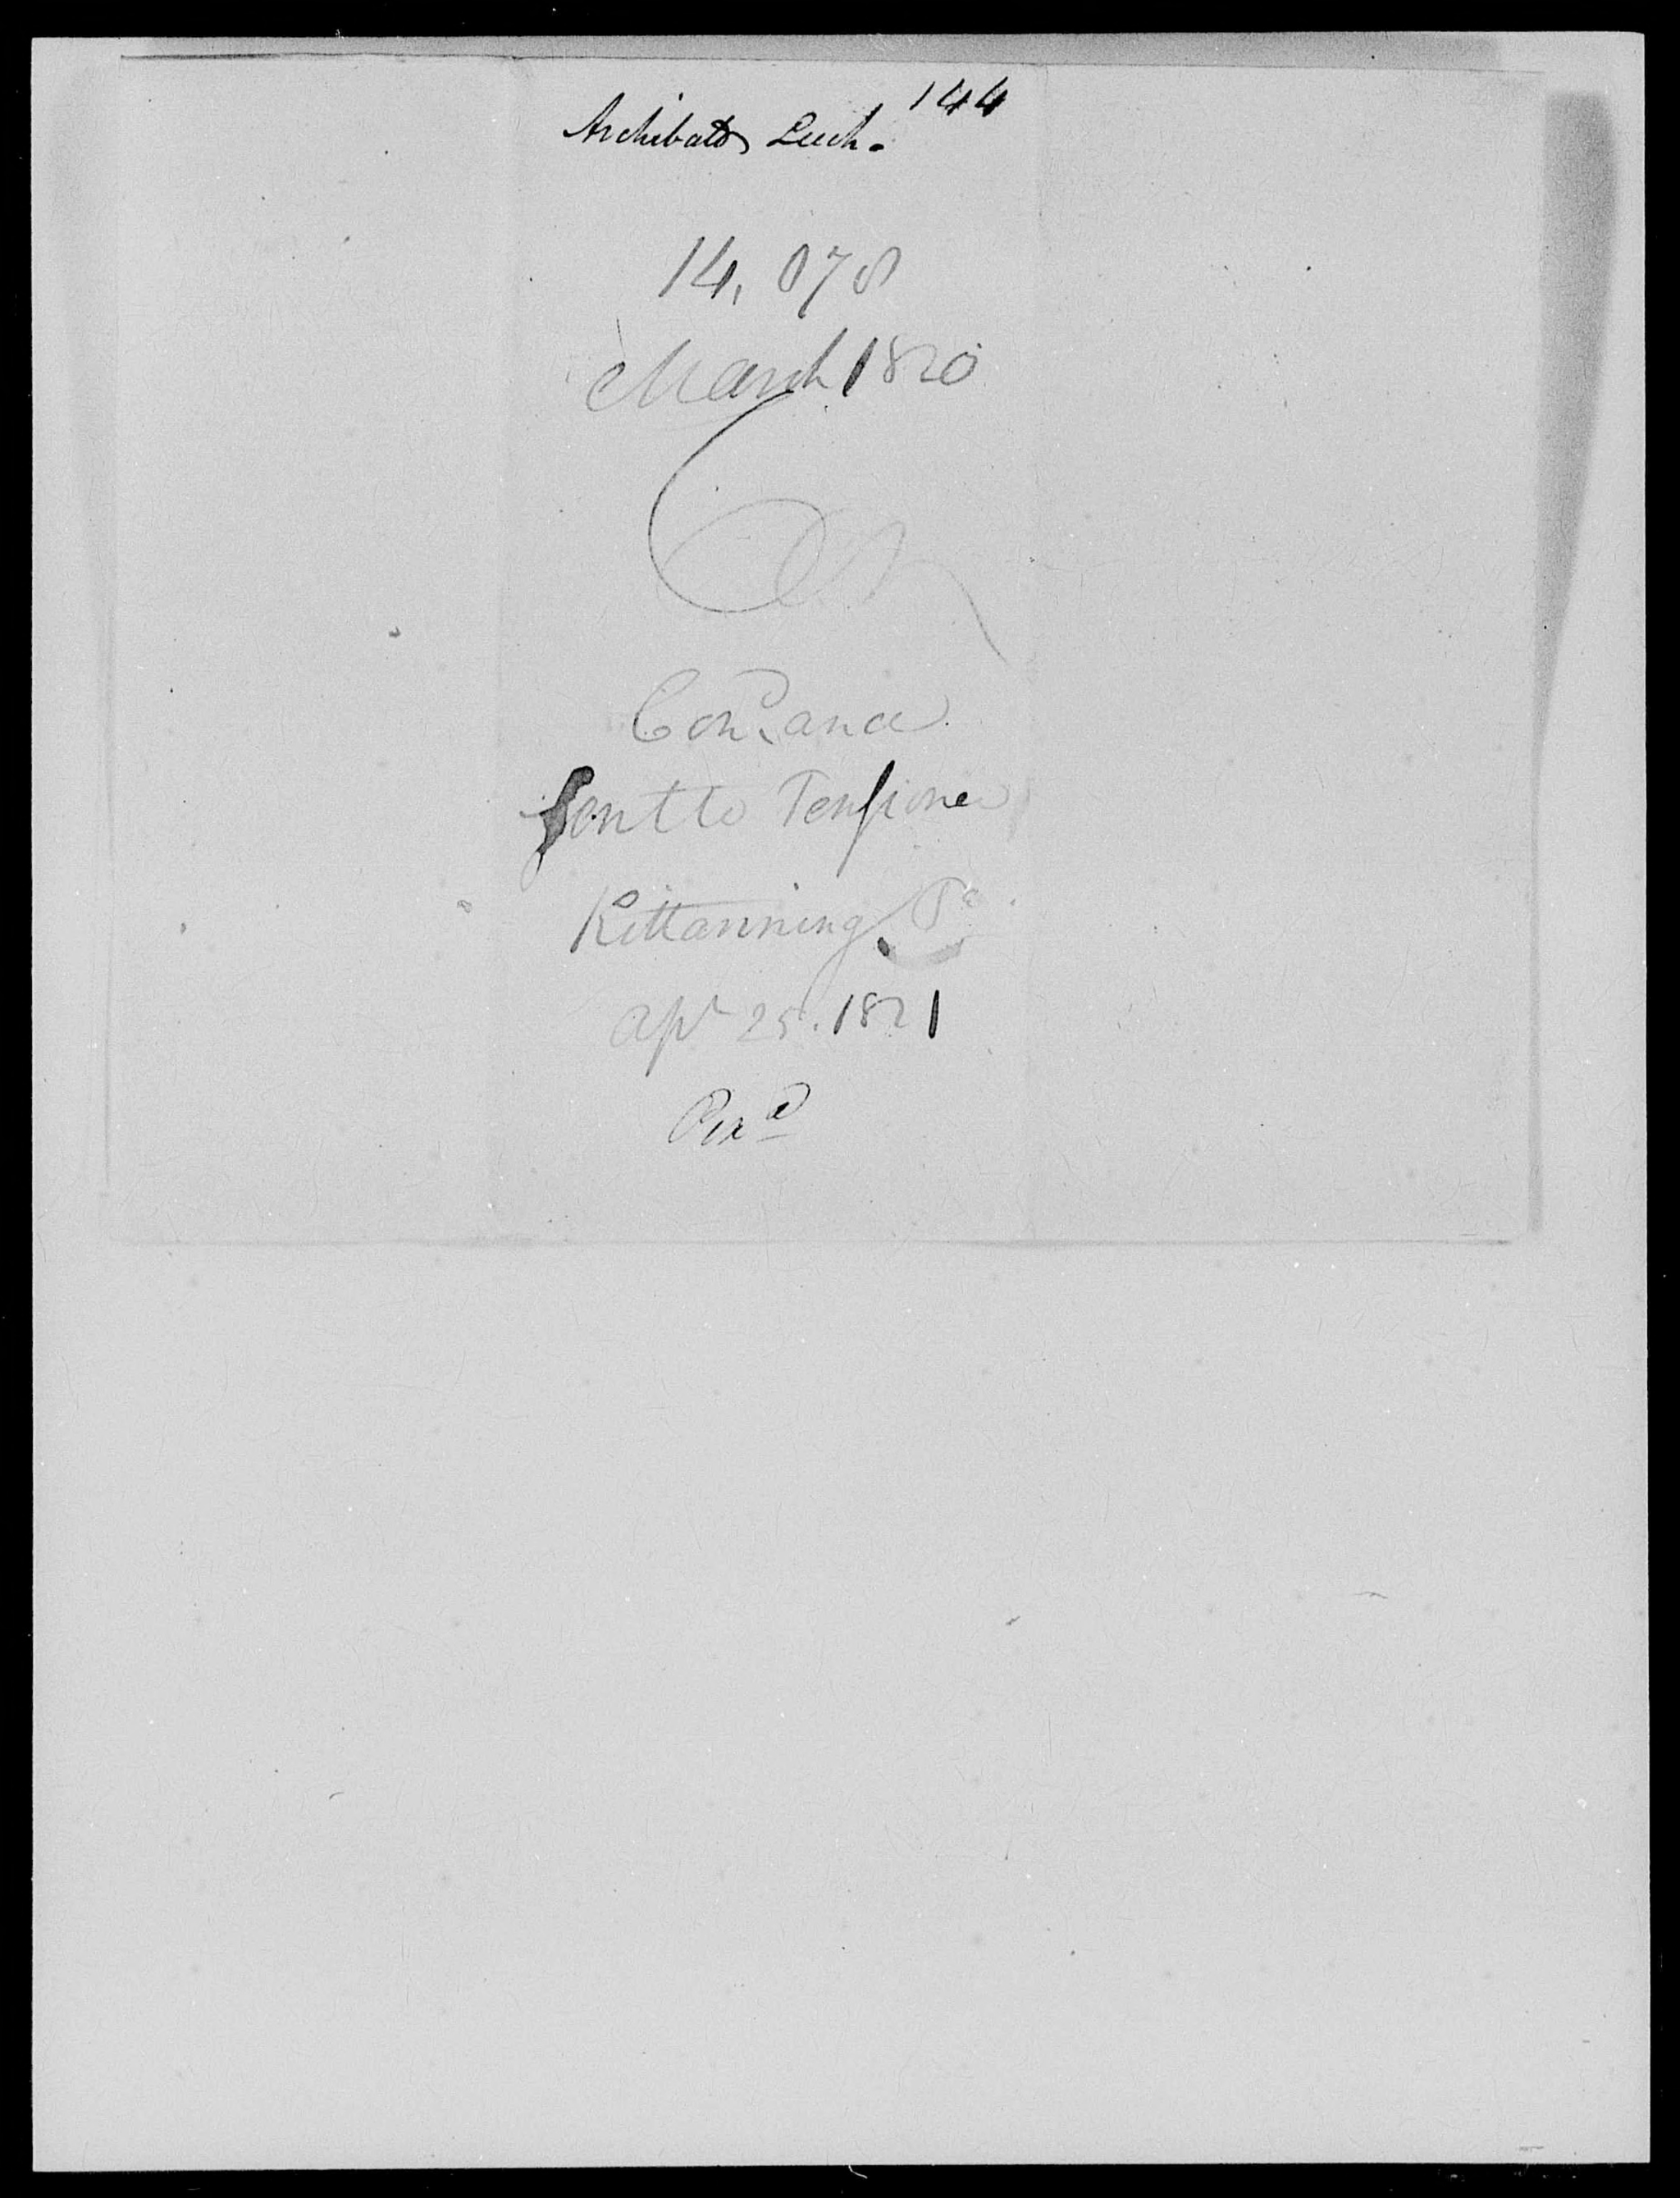144
Archibald Leech
14,078
March 1820
[illegible]
Sent to Pensioner
Kittanning, Pa.
Apr 25. 1821
Pennsylvania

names: Archibald Leech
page: 7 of 20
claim: survivor's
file: S. 40,935, for Archibald Leech, Pennsylvania